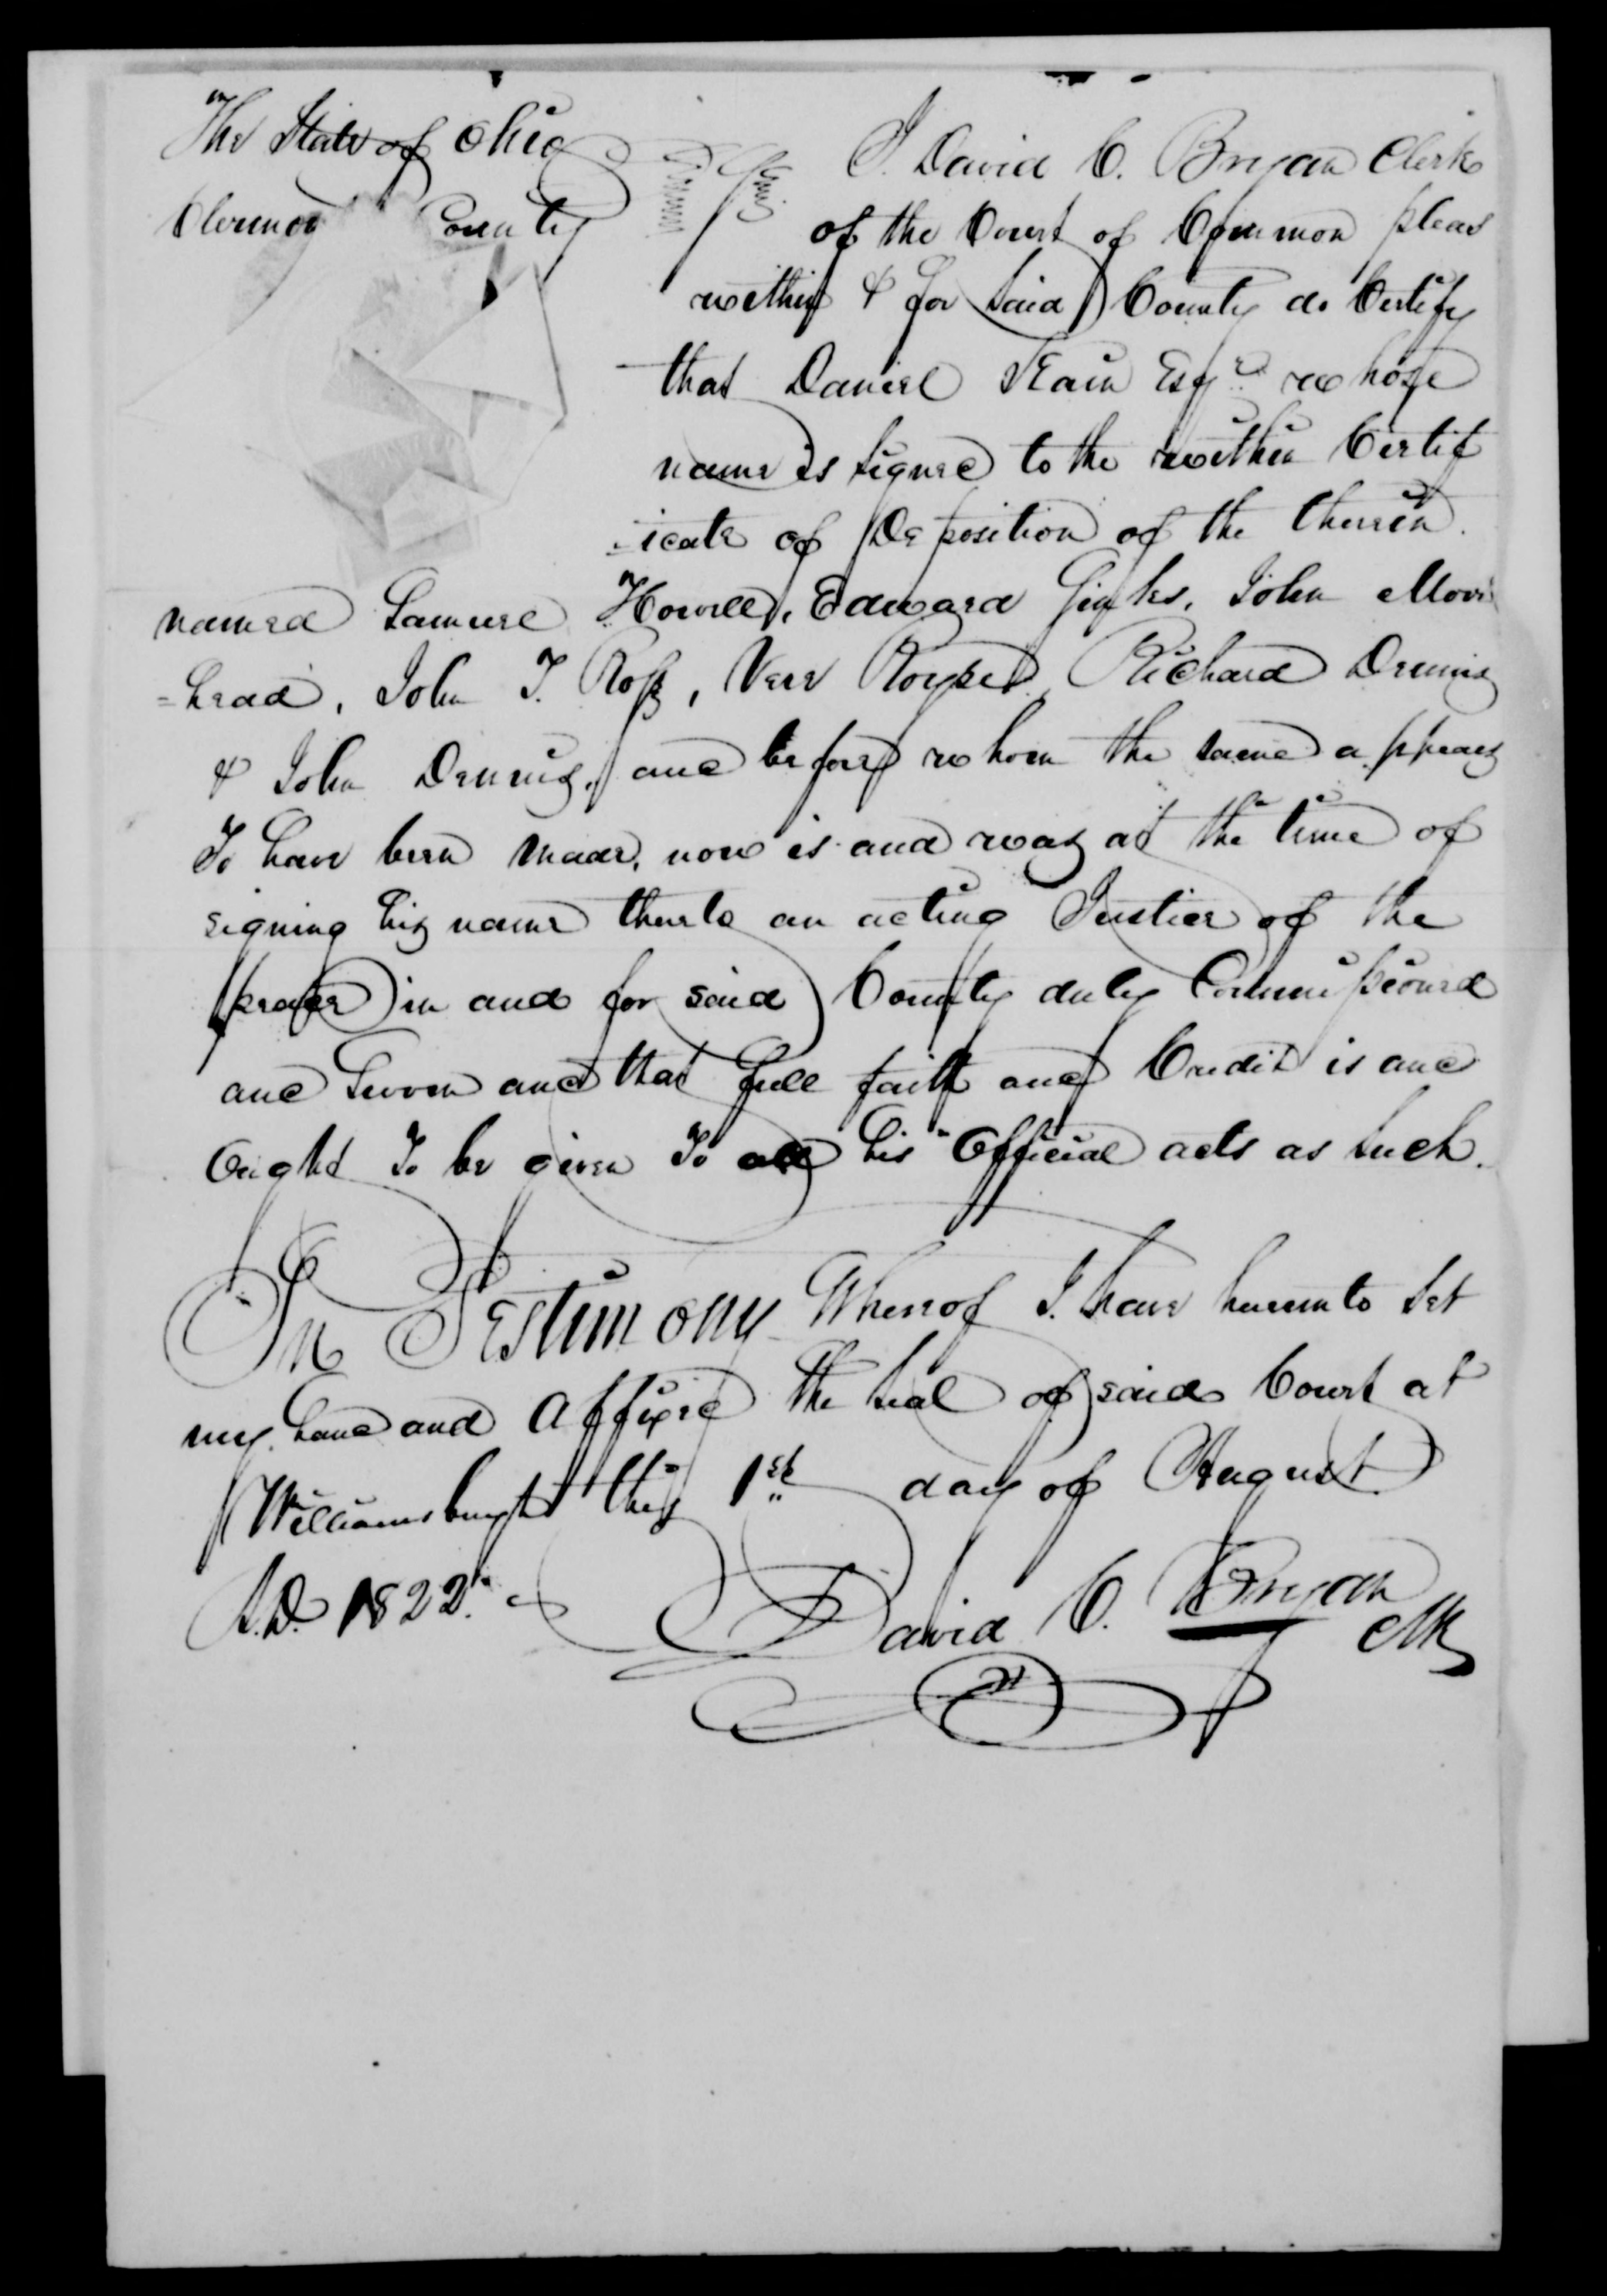The State of Ohio Clermont County } I, David C. Bryan Clerk of the Court of Common Pleas within & for Said County do Certify that Daniel Kain Esqr. whose name is Signed to the within Certificate of Deposition of the therein named Samuel Howell, Edward Sinks, John Moorhead, John T. Ross, Vere Royse, Richard Dennis * John Dennis and before whom the have appeared To have been made, now is and was at the time of signing his name thereto an active Justice of the Peace in and for said County duly Commissioned and Sworn and that full faith and Credit is and Ought To be given To all his Official acts as Such. 
In Testimony Whereof I have hereunto Set my hand and Affixed the Seal of said Court at Williamsburgh this 1st day of August A. D. 1822. [signature:] David C. Bryan clk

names: Richard Dennis; David C Bryan; Vere Royse; John Dennis; Edward Sinks; John Moorhead; David C Bryan; John T Ross; Samuel Howell; Daniel Kain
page: 57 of 66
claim: survivor's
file: S 40458, for Obadiah Smith, New York